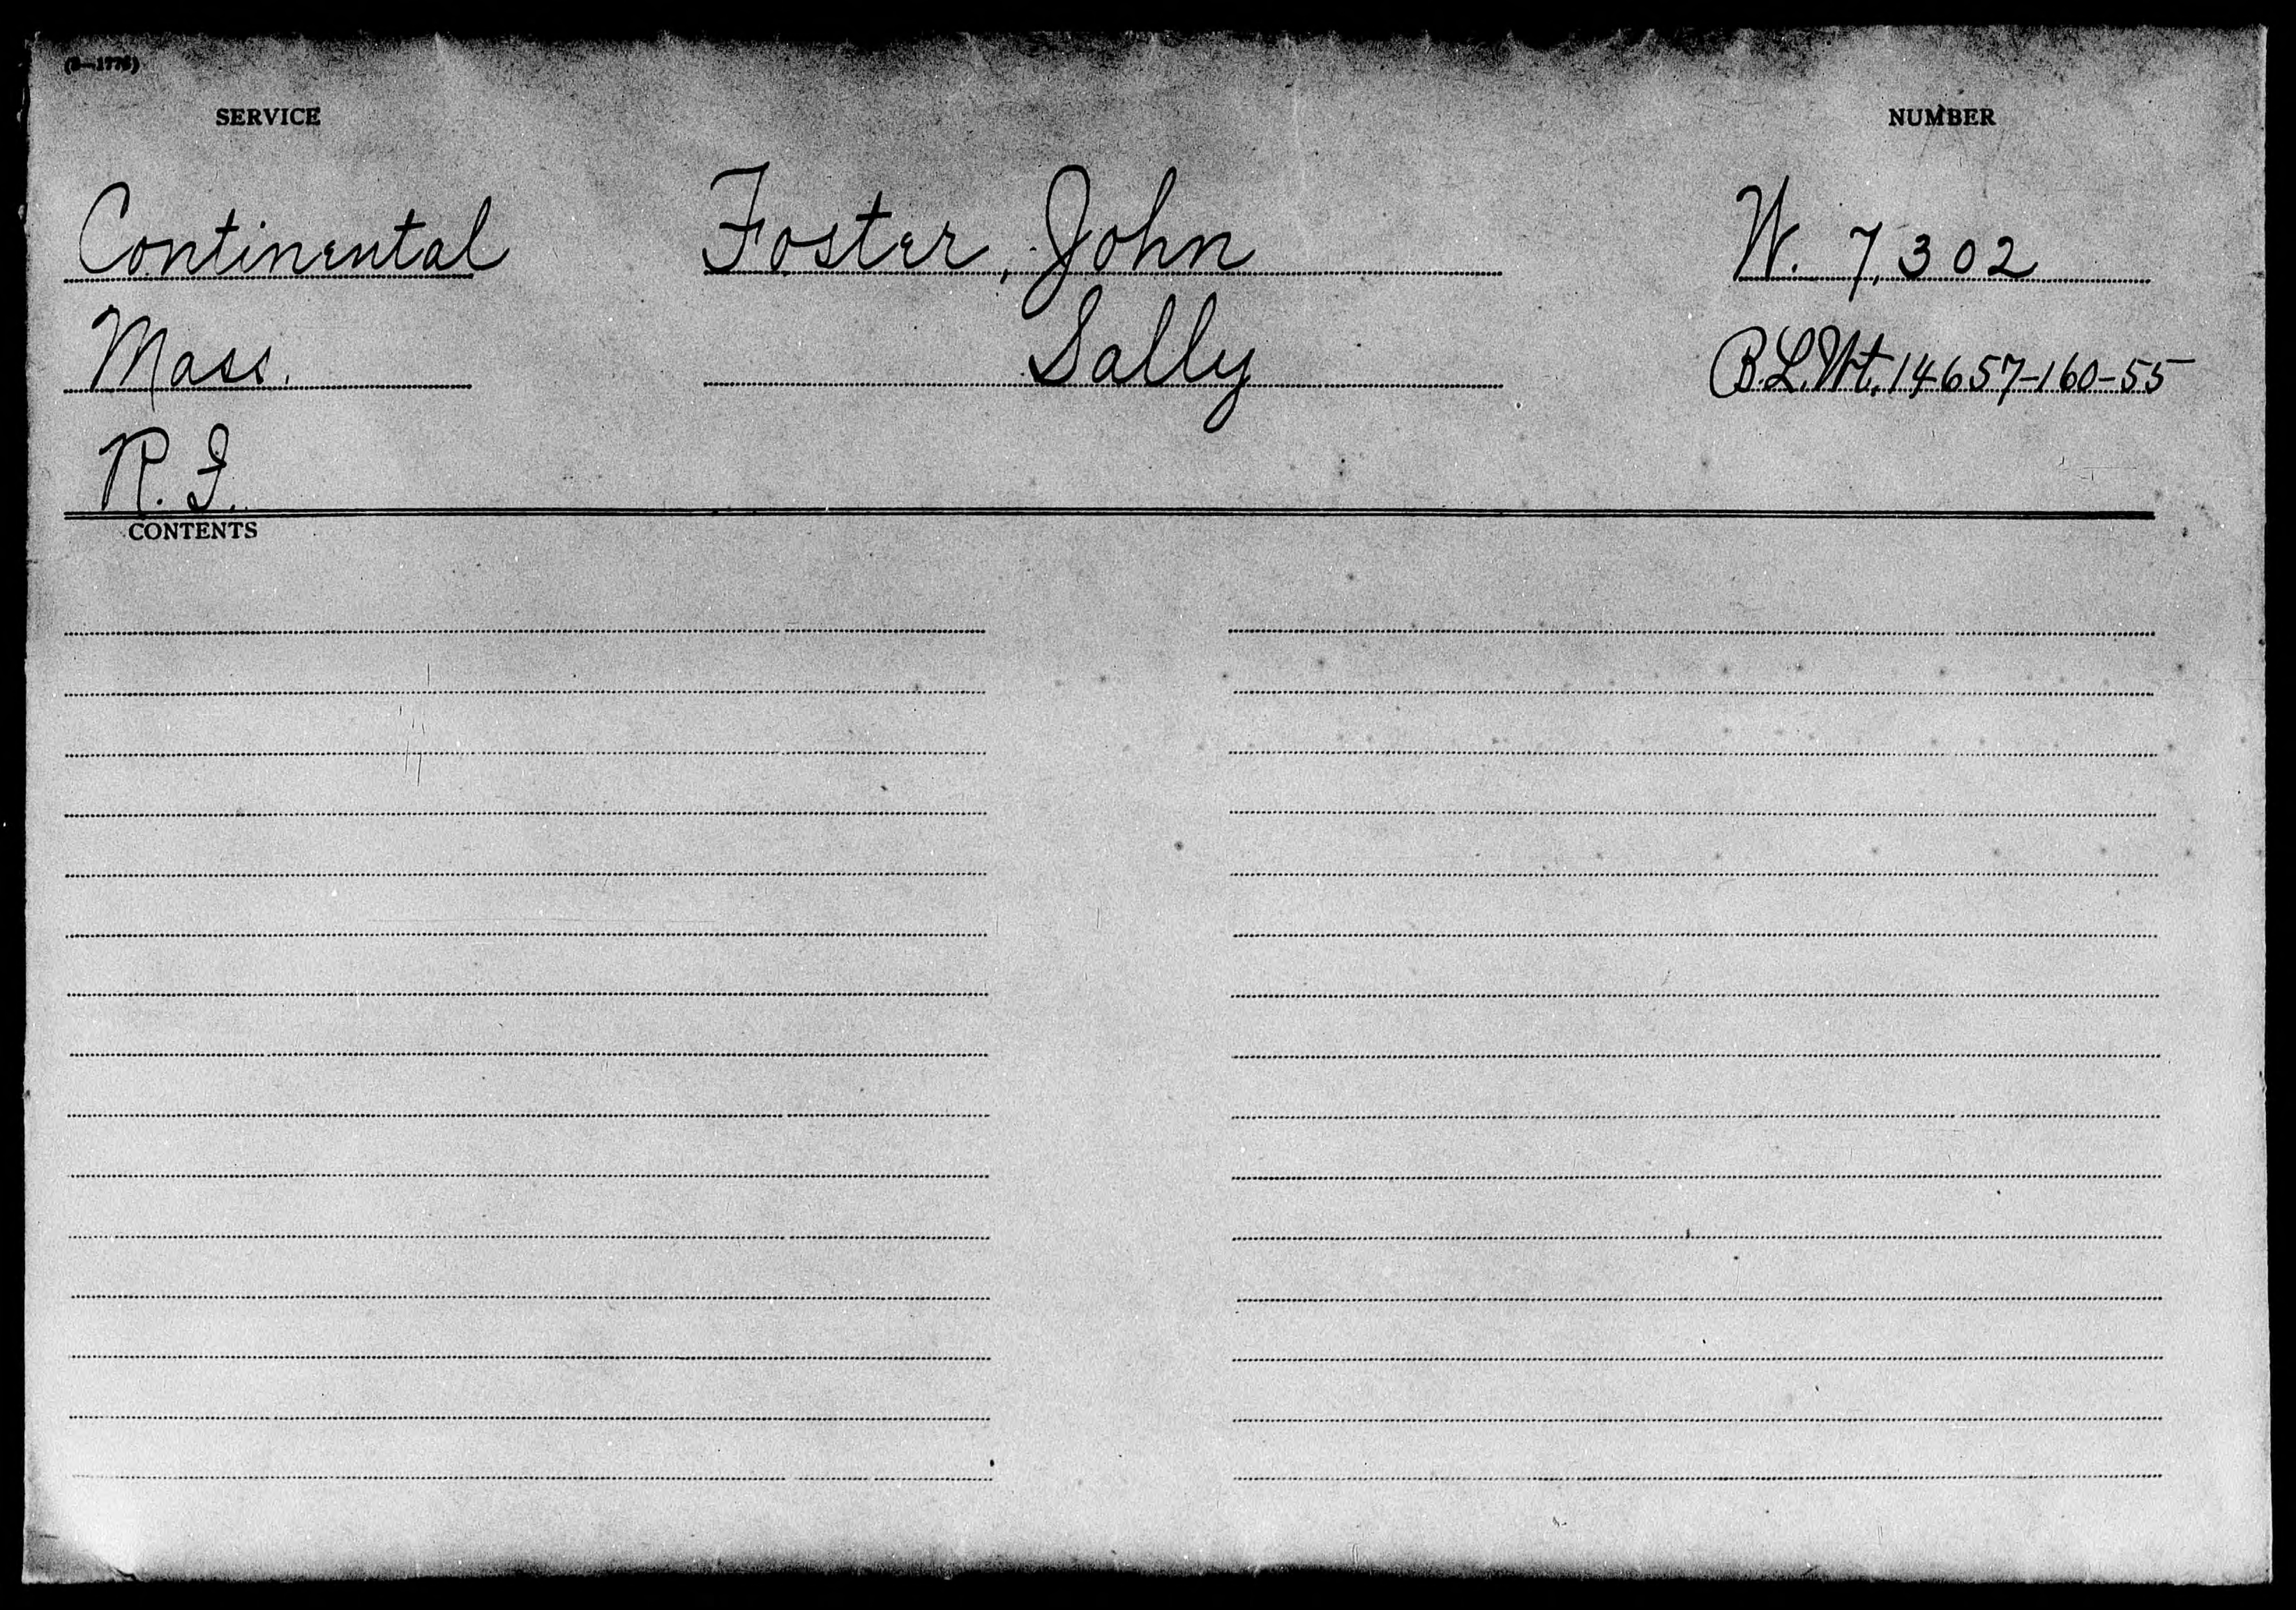(3-1776)
SERVICE
Continental
Mass.
R. I.
Foster, John
Sally 
NUMBER
W. 8,302
B. L. Wt. 14657-160-55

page: 1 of 47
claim: widow's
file: W. 7,302, John Foster, Continental Mass. R.I.